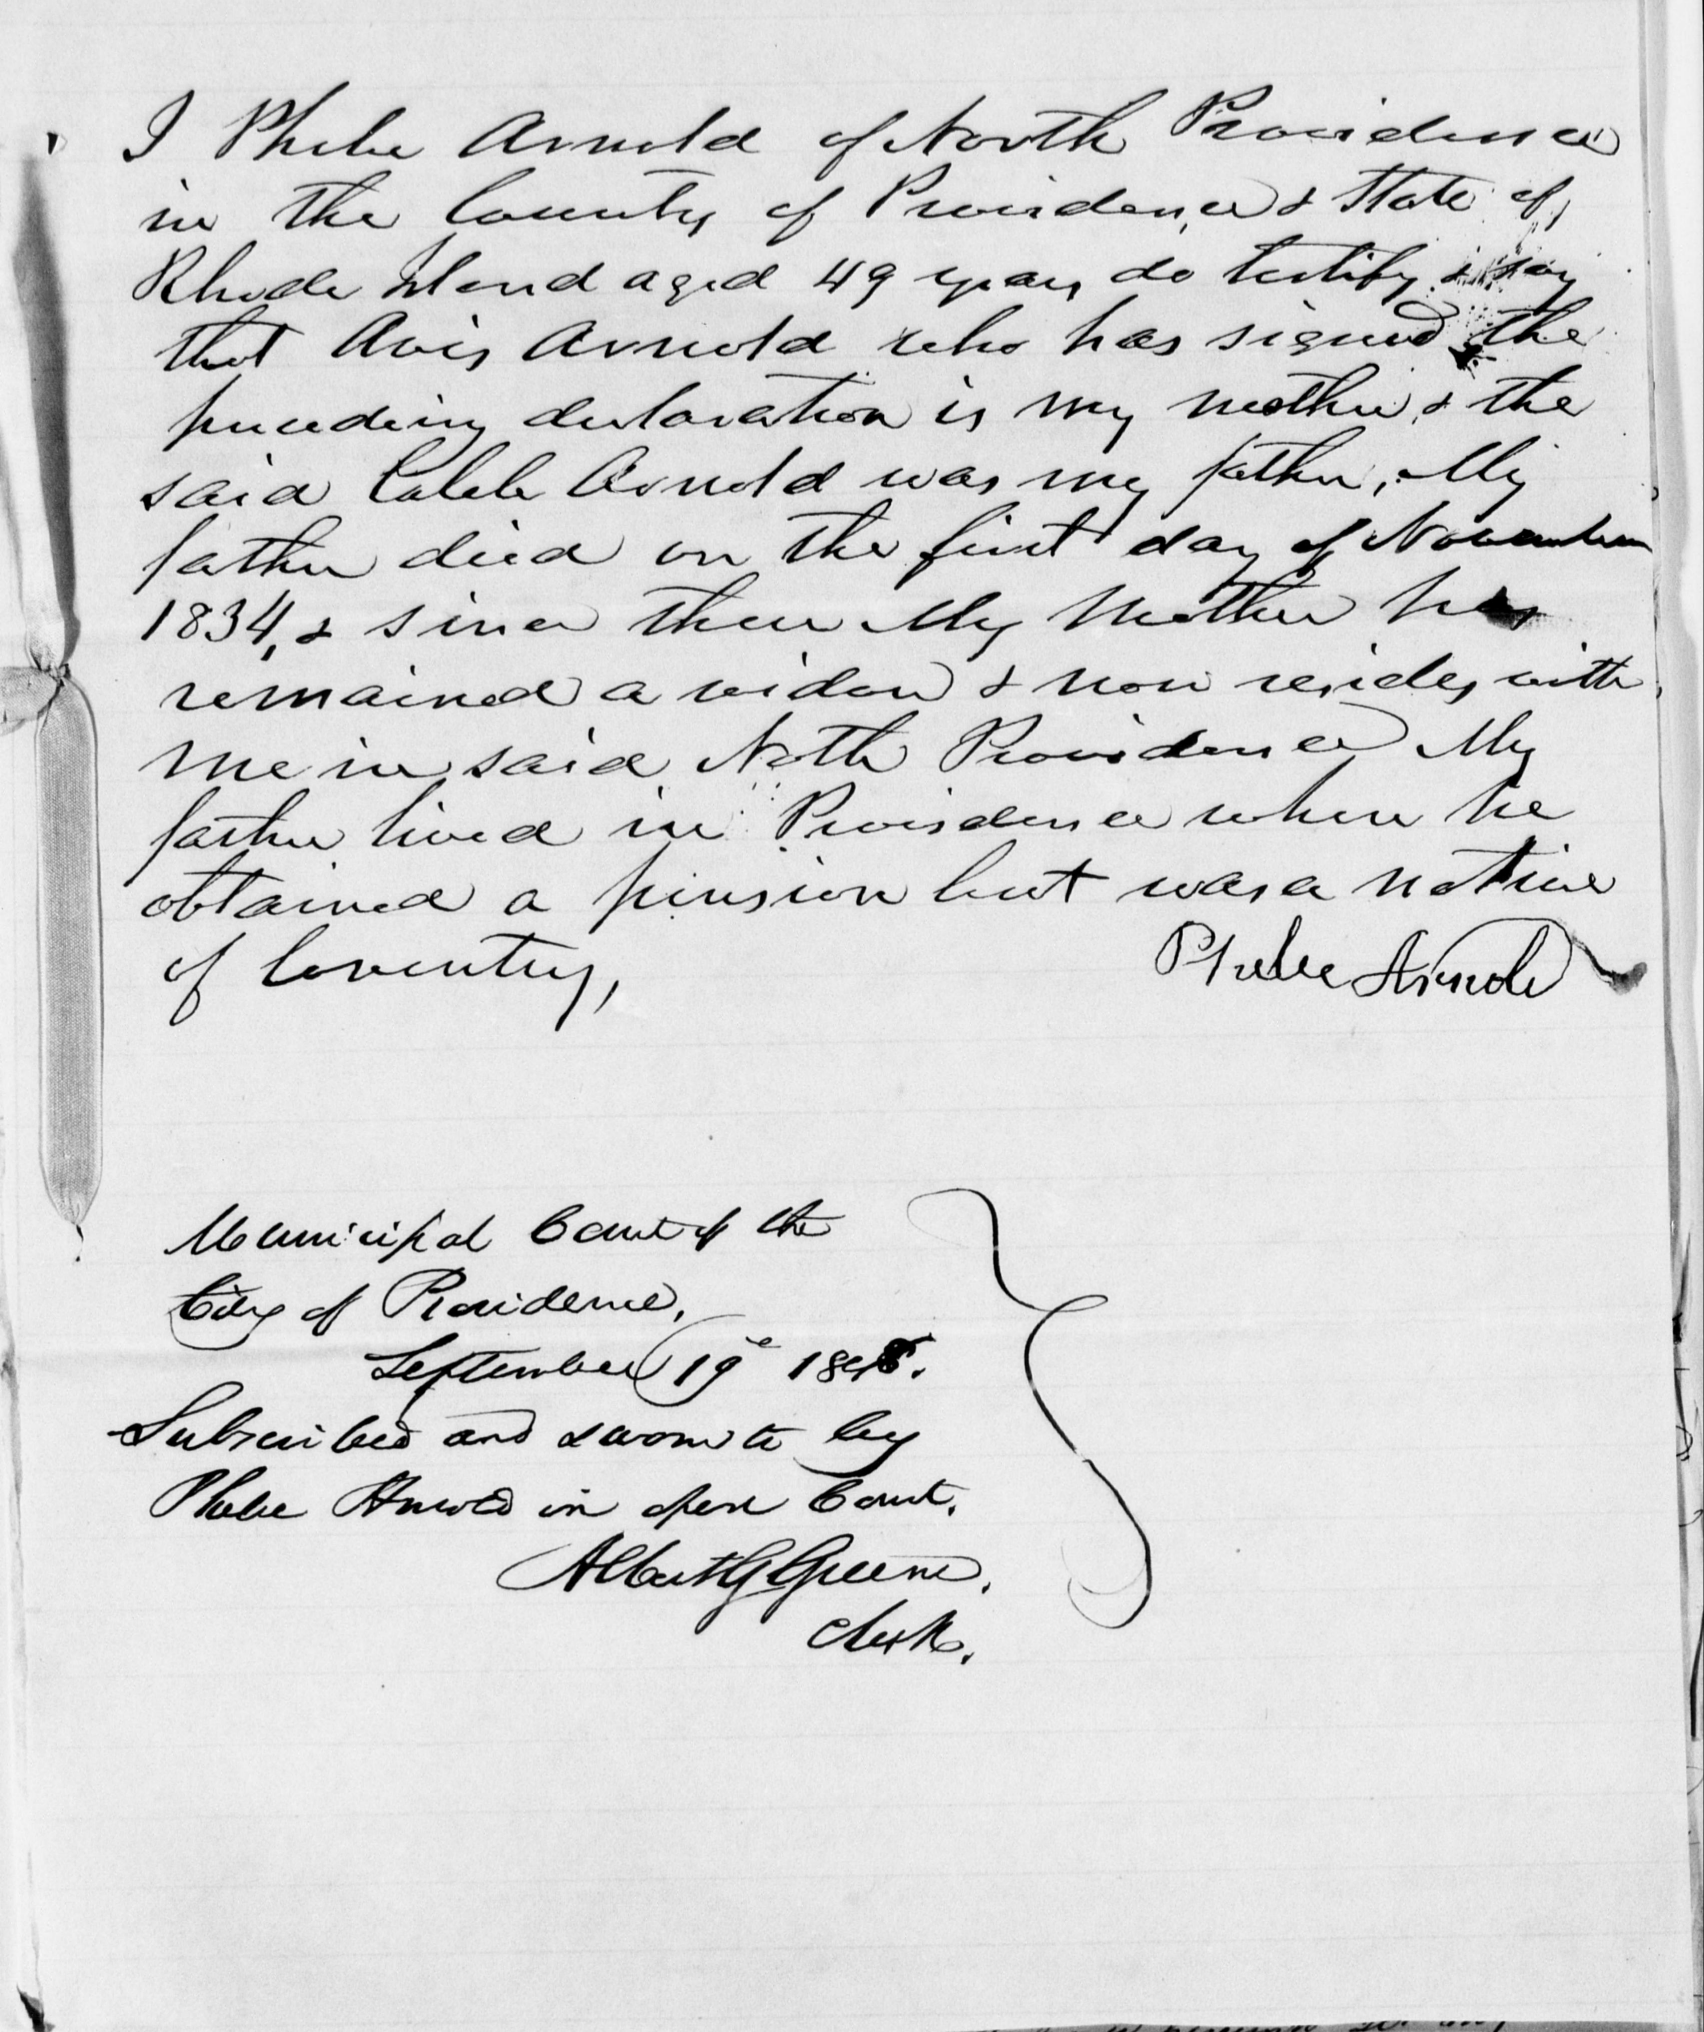I Phoebe Arnold of North Providence in the County of Providence + state of Rhode Island aged 49 years do testify + say that Avis Arnold who has signed the preceding declaration is my mother + the said Caleb Arnold was my father. My father died on the first day of November 1834, + since then My Mother has remained a widow + now resides with me in said North Providence
My father lived in Providence when he obtained a pension but was a native of Coventry,
[signature] Phoebe Arnold

Municipal Court of the City of Providence, September 19th 1848.
Subscribed and sworn to by Phoebe Arnold in open Court.
[signature] Albert G Greene. Clerk.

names: Caleb Arnold, Albert G Greene, Phebe Arnold, Phebe Arnold, Avis Arnold, Phebe Arnold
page: 11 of 29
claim: widow's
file: W. 2582, Caleb Arnold, R.I.